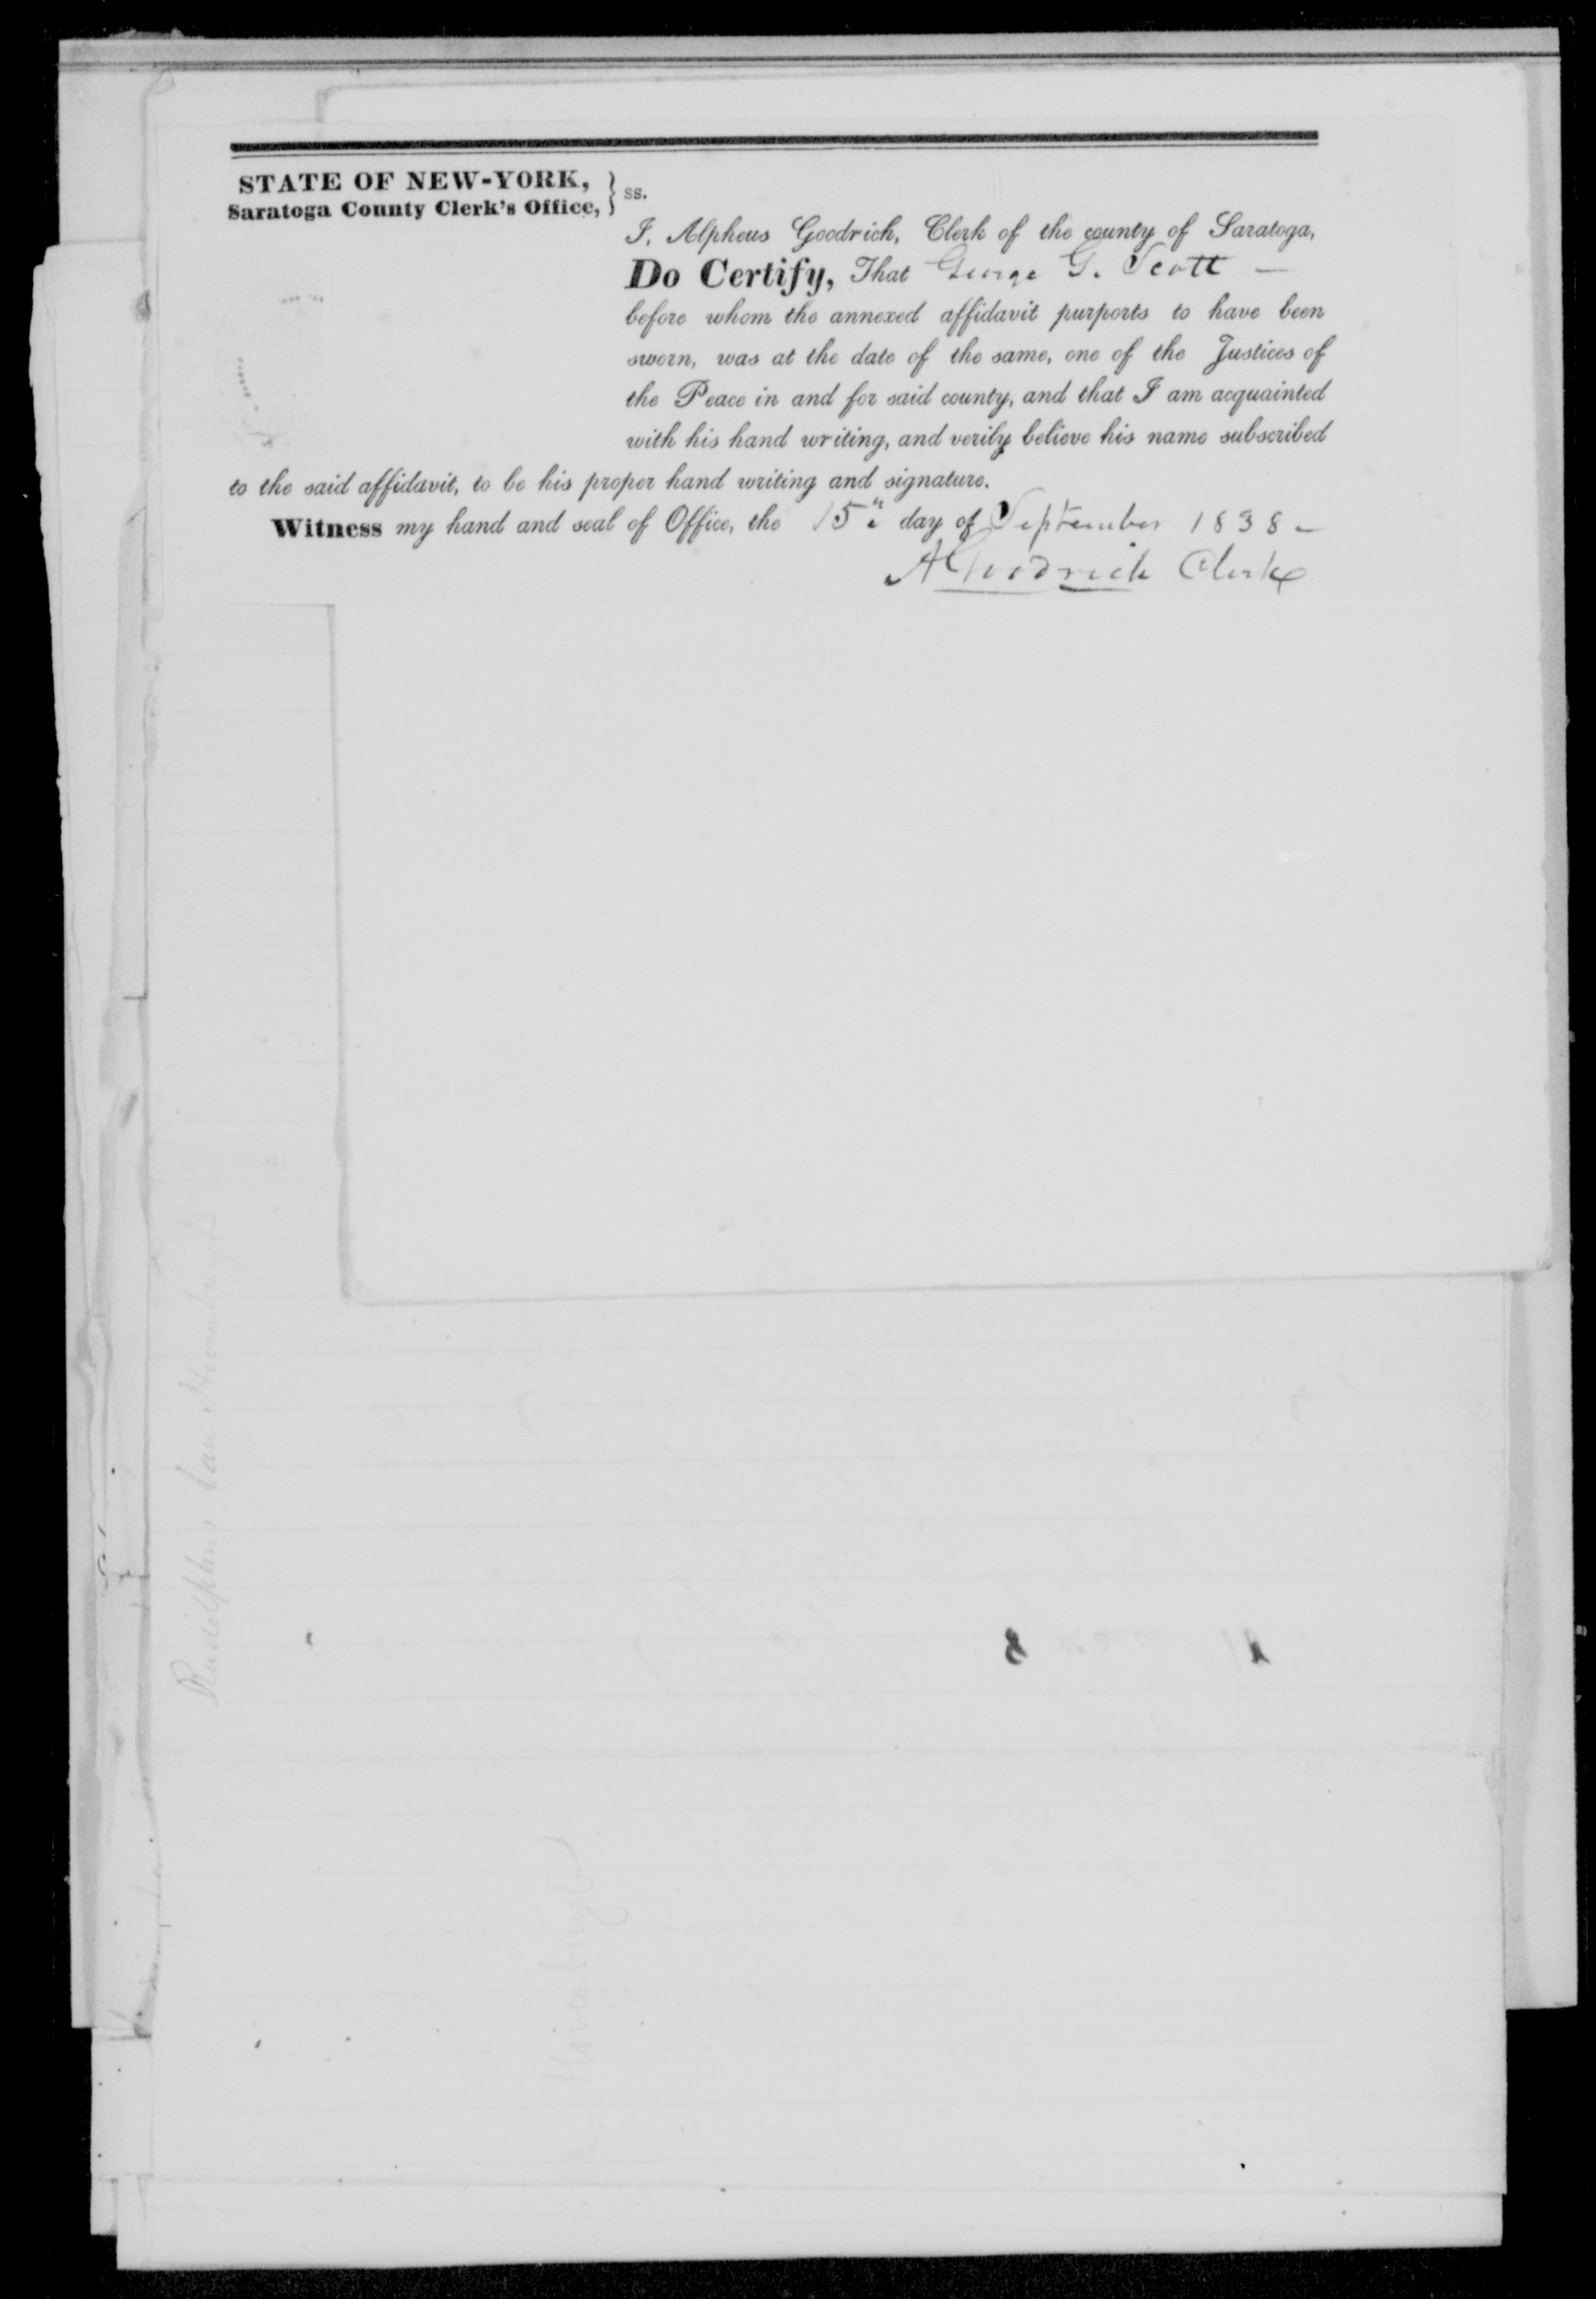STATE OF NEW-YORK,
Saratoga County Clerk's Office,}
SS.
I, Alpheus Goodrich, Clerk of the county of Saratoga,
Do Certify, That George G. Scott
before whom the annexed affidavit purports to have been
sworn, was at the date of the same, one of the Justices of
the Peace in and for said county, and that I am acquainted with his hand writing, and verily believe his name subscribed to the said affidavit, to be his proper hand writing and signature.
Witness my hand and seal of Office, the 15th day of September 1838.
A Goodrich Clerk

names: Alpheus Goodrich, A Goodrich, George G Scott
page: 10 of 38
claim: widow's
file: W. 23324, Rudolphus Van Hoevenbergh, New York